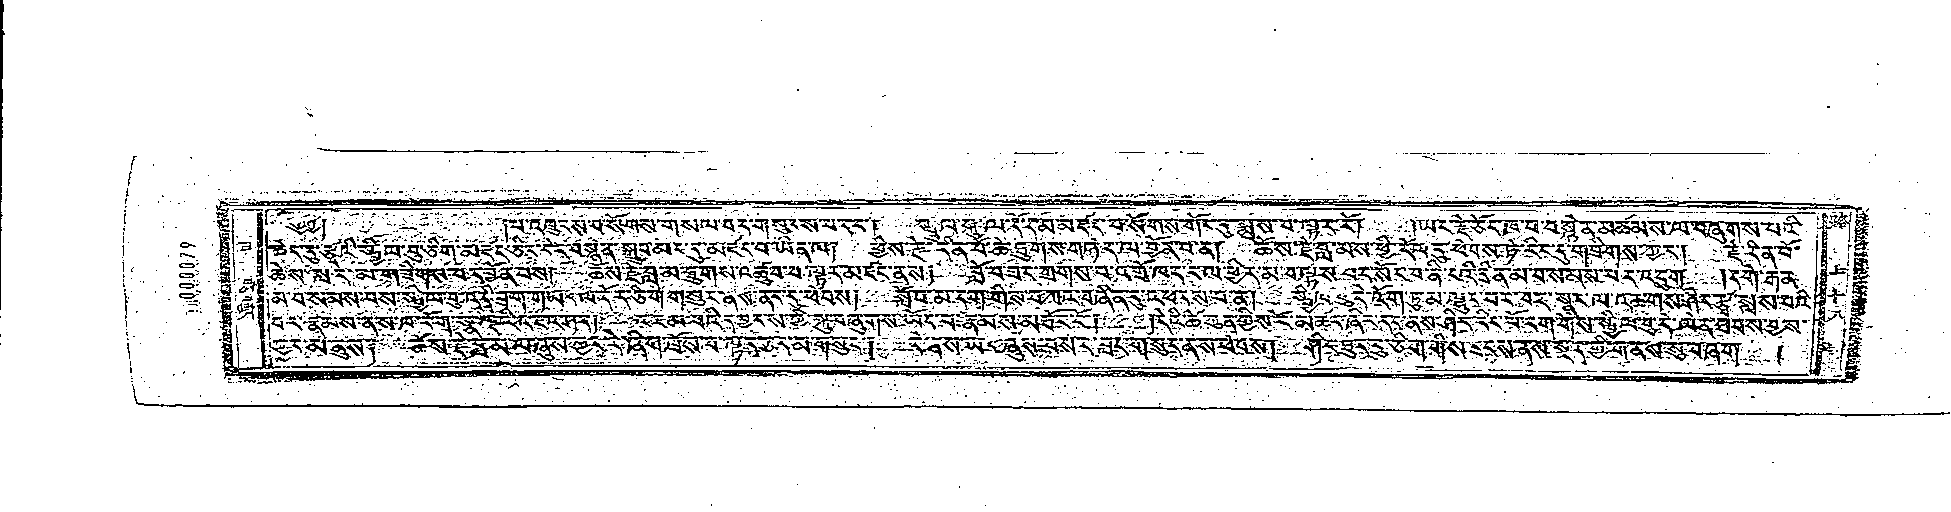༄༅། །པ་འཁྲུངས་བ་སོགས་གསལ་བར་གསུངས་པ་དང་། སྤྲུལ་སྐུ་ལ་དོ་དམ་མཛད་པ་སོགས་གོང་དུ་སྨྲས་བ་ལྟར་རོ། །ཡང་རྗེ་ཙོང་ཁ་པ་བསྙེན་མཚམས་ལ་བཞུགས་པའི་
ཆེད་དུ་རྩྭའི་སྦྱིལ་བུ་ཅིག་མཛད་ཅིང་དེར་བསྙན་སྒྲུབ་མང་དུ་མཛད་བ་ཡིན་ལ། ཕྱིས་རྗེ་རིན་བོ་ཆེ་ཐུགས་གཉེར་ལ་བྱོན་པ་ན། ཆོས་རྗེ་བླ་མས་ཕྱི་རོལ་དུ་ཕེབས་ཏེ་རིང་དུ་གཟིགས་ཀྱང་། རྗེ་རིན་བོ་
ཆེས་སླར་མ་གཟིགས་པར་བྱོན་བས། ཆོས་རྗེ་བླ་མ་ཐུགས་འཚུབ་བ་ལྟར་མཛད་ནས། བློ་བཟང་གྲགས་པ་འགྲོ་ཁར་ང་ལ་ཕྱིར་མ་བལྟས་བར་སོང་བ་ནི་ངའི་དྲིན་མ་བསམས་པར་འདུག །དགེ་རྒན་
མ་བསམས་པས་སྤྱིལ་བུ་འདི་བྲག་གཡང་ལ་དོར་ཅིག་གསུང་ནས་ནང་དུ་ཕེབས། སློབ་མ་དག་གིས་བཀའ་བཞིན་དུ་འཕངས་བ་ན། སྤྱིལ་བུ་དེ་འོག་ཏུ་མ་ལྷུང་བར་བར་སྣང་ལ་འཆགས་ཤིང་རྩྭ་སླས་བའི་
བར་རྣམས་ནས་ཁ་དོག་སྣ་ལྔའི་འཇའ་ཤར། འཇམ་བའི་དབྱངས་ཀྱི་སྐུ་བཞུགས་ཡོད་བ་རྣམས་མཐོང་ངོ༑ །དེའི་ཚེ་ཀུན་གྱིས་ངོ་མཚར་ཞིང་དང་ནས་ཤིང་རིང་པོ་དག་གིས་སྤྱིལ་བུ་དེ་ལེན་ཐབས་བྱས་
ཀྱང་མ་ནུས༑༑ ཆོས་རྗེ་བླ་མ་ལ་ཞུས་ཀྱང་རེ་ཞིག་ཁྲོས་བ་ལྟར་ཅར་མ་གསུང་། དེ་ནས་ཡང་ཞུས་བས་ང་བླང་གསུང་ནས་ཕེབས། ཤིང་ཐུར་དུ་ཅིག་གིས་དྲངས་ནས་སྔར་གྱི་གནས་སུ་བཞག།